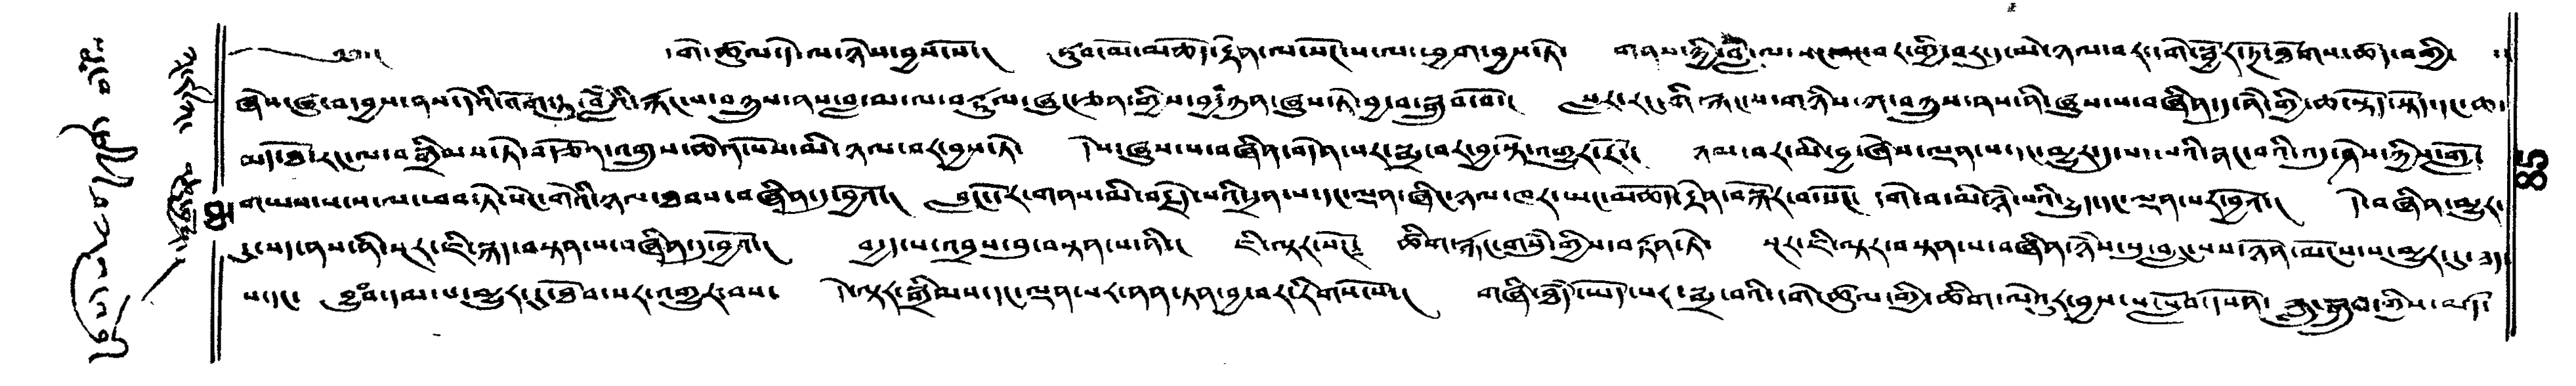དགེ་ཚུལ་དེ་ལ་ཉེས་བྱས་སོ། ནུབ་མོ་མཆོད་རྟེན་ལ་སོགས་པ་ལ་ཕྱག་བྱས་ཏེ། གནས་ཀྱི་བླ་མ་ལ་སང་ནང་བར་གྱི་བར་དུ་མི་ཉལ་བར་དགེ་སྦྱོར་རྔོ་ཐོགས་ཚད་བགྱིའོ་
ཞེས་ཞུ་བ་བྱས་ནས་དེའི་འོག་ཏུ་བླ་མའི་རྐང་པ་བཀྲུས་ནས་བླ་མ་ལ་བརྟུལ་ཞུགས་ཅན་གྱིས་བྱ་བ་ཀུན་ཞུས་ཏེ་བྱ་བ་དེ་སྒྲུབ་བོ། སླར་རང་གི་རྐང་བ་གཉིས་བཀྲུས་ནས་ནི་ཞུས་པ་བཞིན་དུ་ནམ་གྱི་ཆ་སྟོད་དང་ཆ་
སྨད་ཐོ་རངས་བར་བསྒྲིམས་ཏེ་བརྩོན་འགྲུས་ཆེན་པོས་མི་ཉལ་བར་བྱས་ཏེ། དེས་ཞུས་པ་བཞིན་བདེན་པར་སྨྲ་བར་བྱ་སྟེ་འགྱུར་རོ། ཉལ་བར་མི་བྱ་ཞེས་ལྡན་པ་དང་མྱུར་དུ་སད་པའི་སྣང་བའི་འདུ་ཤེས་ཀྱིས་གློ་
གཡས་པ་ས་ལ་ཕབ་ཏེ་སེང་གེའི་ཉལ་ཐབས་བཞིན་དུ་བྱའོ། བླང་དོར་གནས་མི་བརྗེད་པའི་དྲན་པ་དང་ལྡན་ཞིང་ཉལ་ཁར་ཡང་མཆོད་རྟེན་བསྐོར་བ་སོགས། དགེ་བ་མི་ཉམས་པའི་རྒྱུད་དང་ལྡན་པར་བྱའོ། དེ་བཞིན་མྱུར་
དུ་སད་པས་ནི་སྔར་ཇི་སྐད་བསྟན་པ་བཞིན་དུ་བྱའོ། བརྒྱད་པ་འབྲས་བུ་བསྟན་པ་ནི། ཇི་ལྟར༴ སོགས། ཚིག་རྐང་གསུམ་གྱིས་བསྟན་ཏེ། སྔར་ཇི་ལྟར་བསྟན་པ་བཞིན་ཉམས་སུ་བླངས་པས་ཉོན་མོངས་པ་མྱུར་དུ་ཟད་
པ་དང་། བྱང་ཆུབ་དམ་པ་མྱུར་དུ་ཐོབ་པར་འགྱུར་བས། དེ་ལྟར་སྒྲིམས་དང་ལྡན་པར་ནན་ཏན་བྱ་བར་རིགས་སོ། གཞི་ཐམས་ཅད་ཡོད་པར་སྨྲ་བའི་དགེ་ཚུལ་གྱི་ཚིག་ལེའུར་བྱས་པ་སློབ་དཔོན་ཀླུ་སྒྲུབ་ཀྱིས་མཛད་